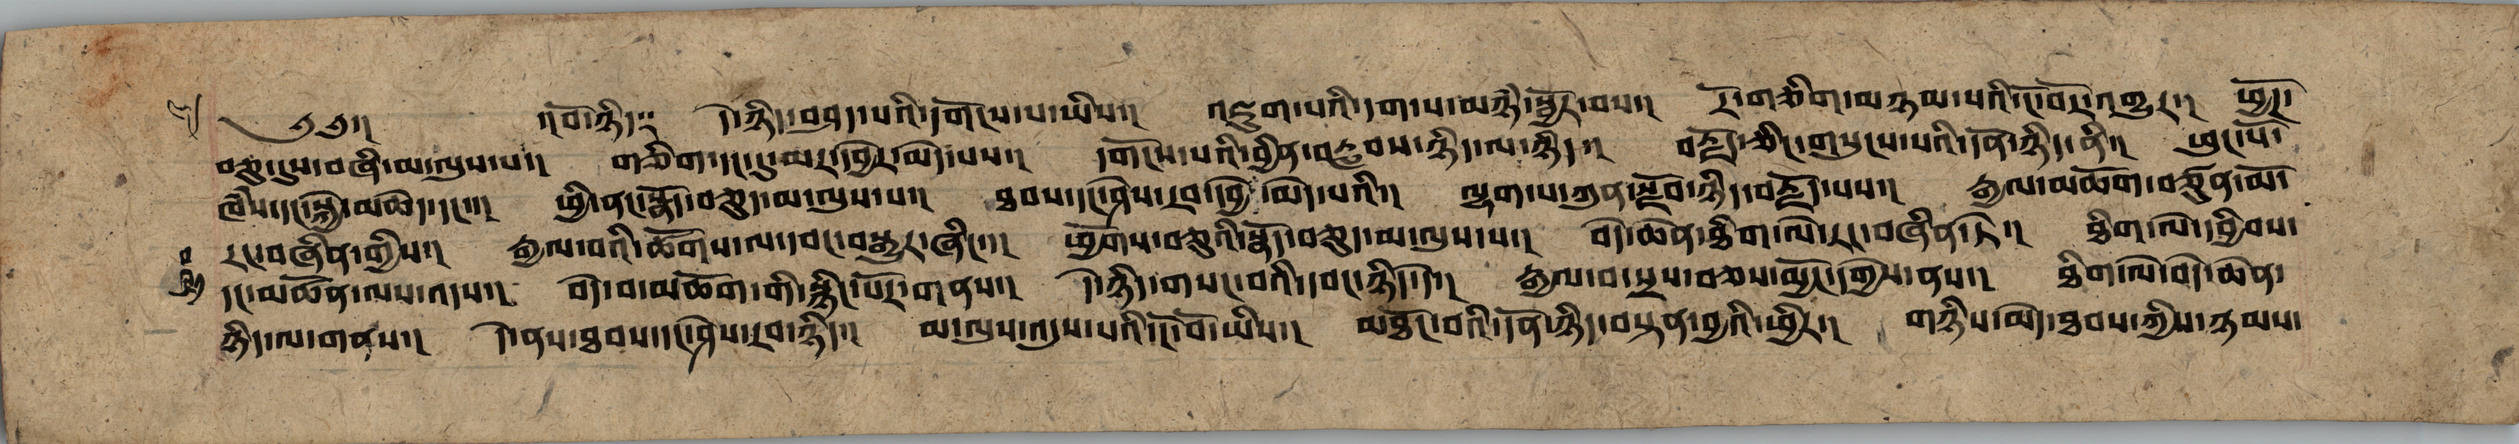༄༅་། ་།བོ་ཉིད༑ དེ་ཉིད་བཤད་པའི་དགོངས་པ་ཡིས་། འཇུག་པའི་དག་པ་མཉཾ་སྦྱོར་བས་། རོ་གཅིག་མཉམ་པའི་ངོ་བོར་འགྱུར་། ཕྱོཌ་
བཅུ་དུས་བཞི་མ་ལུས་པ་། གཅིག་དང་དུ་མར་དབྱེར་མེད་པས་། དགོངས་པའི་བྱིན་བརླབས་ཉིད་ལ་ཉིད་། བརྗོད་ཅིང་གསུངས་པའི་དོན་ཉིད་ནི་། ཕུང་པོ་
ཁཾས་དང་སྐྱེ་མཆེད་དང་་། ཕྱི་ནང་སྣོད་བཅུད་མ་ལུས་པ་། ཐབས་དང་ཤེས་རབ་དབྱེར་མེད་པའི་། ལྷག་པ་ཀུན་སྫོབ་ཉིད་བརྗོད་པས་། རྒྱལ་མཆོག་བཙུན་མོ་
རང་བཞིན་གྱིས་། རྒྱལ་བའི་ཚོགས་ལ་དབང་བསྒྱུར་ཞིང་། ཕྱོགས་བཅུའི་སྣོད་བཅུད་མ་ལུས་པ་། བདེ་ཆེན་ཐིག་ལེ་རང་བཞིན་ཏེ་། ཐིག་ལེ་དབྱིབས་
དང་མཚོན་ལས་འདས་། བདེ་བ་མཆོག་གི་སྙིང་པོར་གནས་། དེ་ཉིད་གསང་བའི་དབང་ཉིད་དེ་། རྒྱལ་བ་སྲས་བཅས་མྱོང་དགྱེས་ནས་། ཐིག་ལེ་བདེ་ཆེན་
ཉིད་ལ་གནས་། དེ་ནས་ཐབས་དང་ཤེས་རབ་ཉིད་། མ་ལུས་འདུས་པའི་ངོ་བོ་ཡིས་། མཐོང་བའི་དོན་ཉིད་བསྟན་བྱའི་ཕྱིར་། གཉིས་མེད་ཐབས་ཀྱིས་ཉམས་